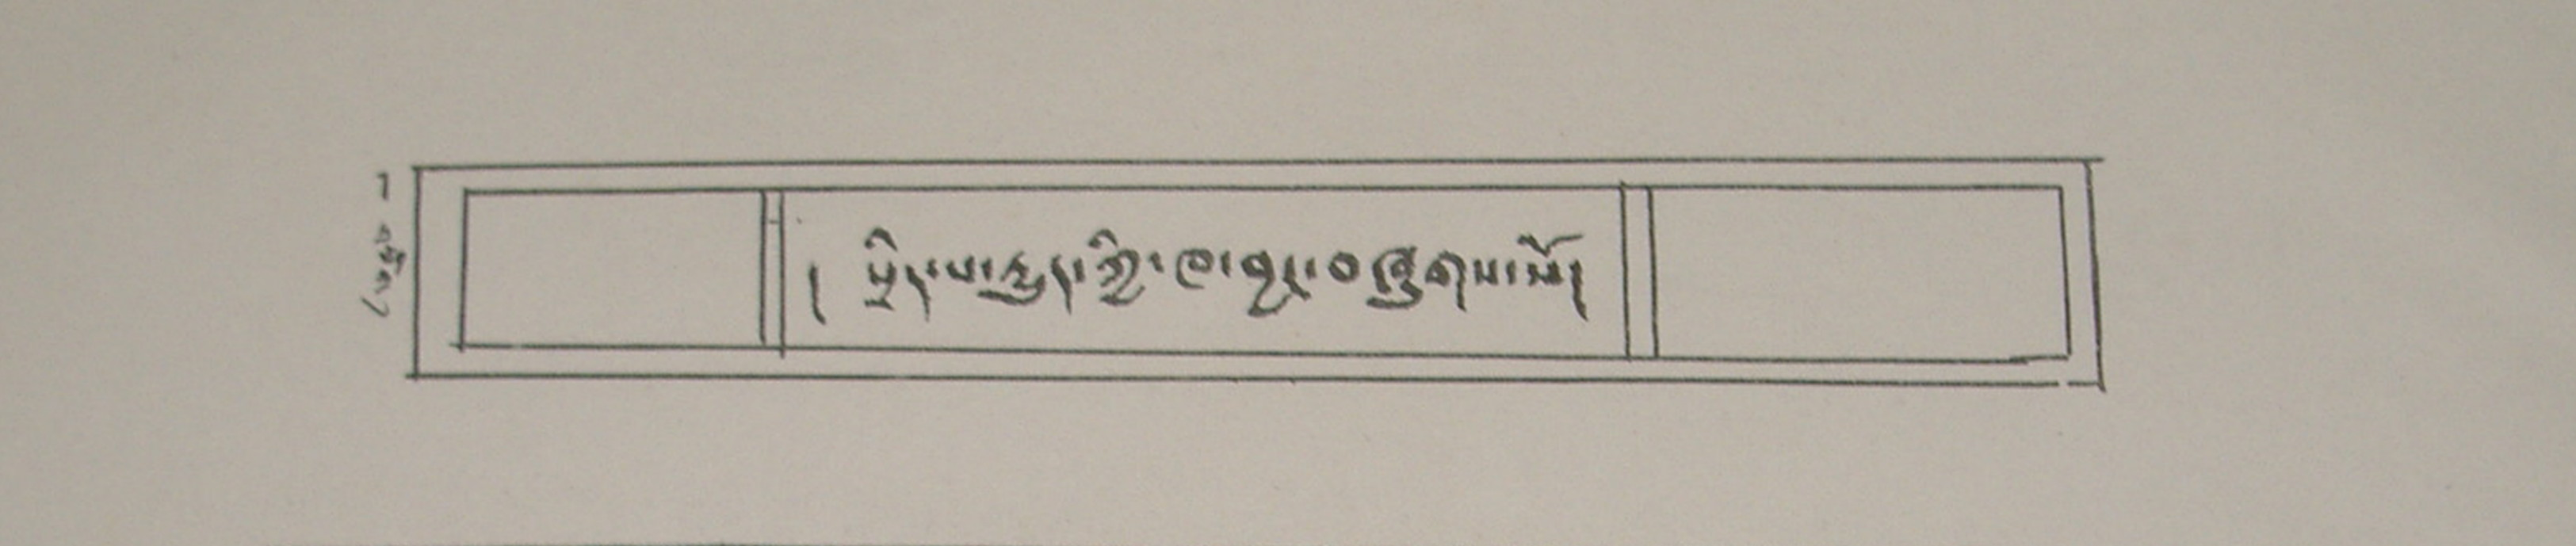སྲིད་པ་རྒྱུད་ཀྱི་ཁ་བྱང་བཞུགས་སོ།